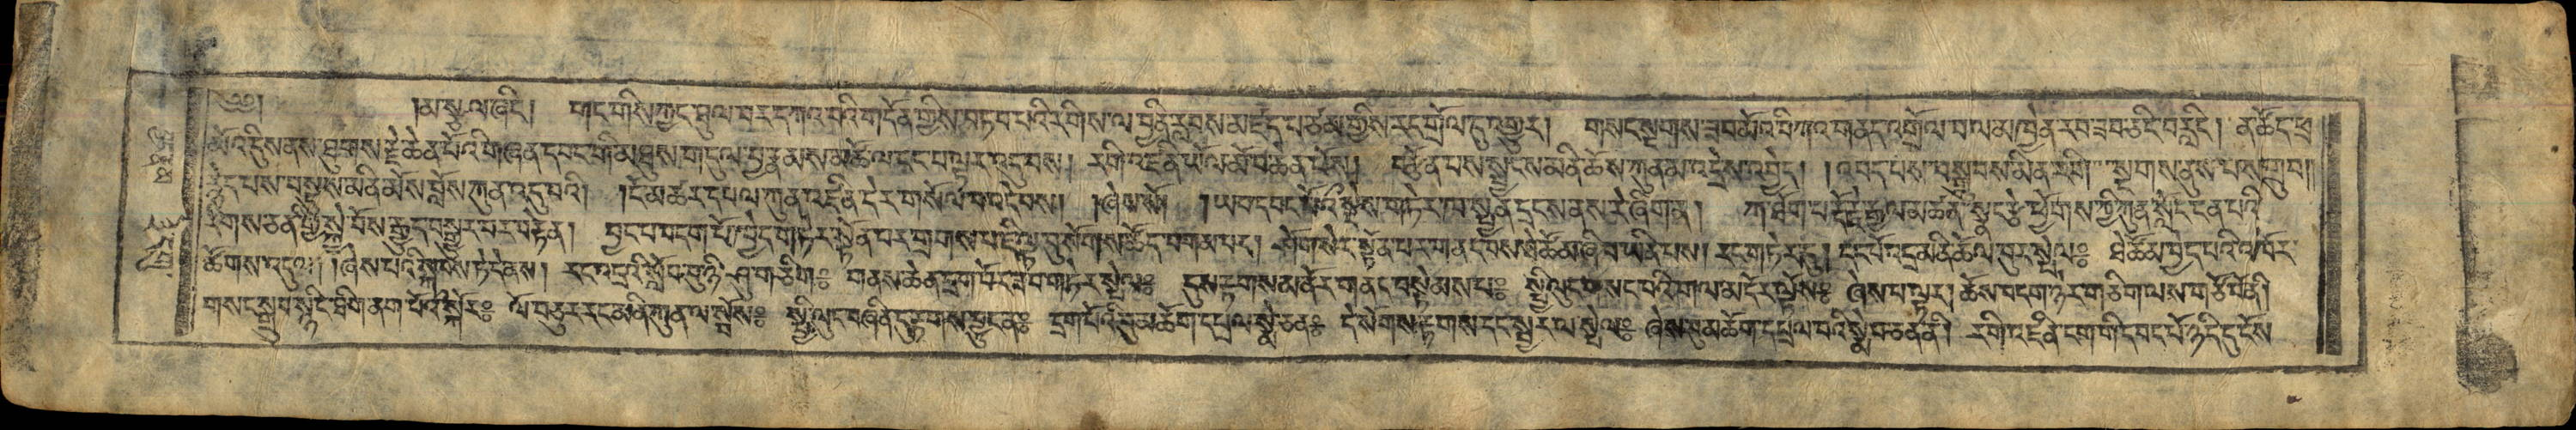༄༅། །མ་སྩལ་ཞིང་། གང་གིས་ཀྱང་ཐུལ་བར་དཀའ་བའི་གདོན་གྱིས་བཏབ་པའི་རིགས་ལ་བྱིན་རླབས་མཛད་པ་ཙམ་གྱིས་རང་གྲོལ་དུ་འགྱུར། གསང་སྔགས་ཟབ་མོའི་བཀའ་གནད་འགྲོལ་བ་ལ་མཁྱེན་རབ་ཟབ་ཅིང་བརླིང་། ན་ཚོད་ཕྲ་
མོའི་དུས་ནས་ཐུགས་རྗེ་ཆེན་པོའི་གཞན་དབང་གི་མཐུས་གདུལ་བྱ་རྣམས་མཚོ་ལ་ངང་པ་ལྟར་འདུ་བས། རིག་འཛིན་ཡོལ་མོ་བ་ཆེན་པོས། བརྩོན་པས་སྦྱངས་མིན་ཆོས་ཀུན་མ་འདྲེས་འབྱེད། །འབད་པས་བསྒྲུབས་མིན་རིག་སྔགས་ནུས་པས་གྲུབ།།
རྙེད་པས་བསྡུས་མིན་མོས་བློས་ཀུན་འདུ་བའི། །ངོ་མཚར་དཔལ་ཀུན་འཛིན་དེར་གསོལ་བ་འདེབས། །ཞེས་སོ། །ཡབ་དབང་པོཨཱྀ་སྡེས་གཏེར་ཁ་སྤྱན་དྲངས་ནས་རེ་ཞིག་ན། ཀ་ཐོག་པ་རྡོ་རྗེ་རྒྱལ་མཚན་སྣང་རྩེ་ཕྱོགས་ཀྱི་ཀུན་སློང་ངན་པའི་
རིགས་ཅན་གྱི་སྐྱེ་བོས་རྒྱུད་བསྒྱུར་བར་བརྟེན། བྱང་པ་བདག་པོ་ཁྱེད་གཏེར་སྟོན་བར་གྲགས་པ་ཇི་ལྟ་བུ་སོགས་ཚོད་བགམ་པར། ཤོག་སེར་སྟོན་པར་གནང་བས་ཐེ་ཚོམ་ཞི་པ་ཡིན་པས། རང་གཏེར་དུ། དང་པོ་འདྲ་མིན་ཆོལ་བུར་སྤེལཿ་ཐེ་ཚོམ་བྱེད་པའི་འཁོར་
ཚོགས་འདུལ། །ཞེས་པའི་སྐབས་ཏེ་དེ་ནས། རང་འདྲའི་སློབ་བུ་ཉི་ཤུ་གཅིགཿ་གནས་ཆེན་དྲག་པོར་ཟབ་གཏེར་སྤེལཿ་དུས་རྟགས་མ་ནོར་གནད་བསྟེམས་པཿ་སྤྱི་ལུང་གསང་བའི་གལ་མདོར་ལྟོསཿ་ཞེས་པ་ལྟར། ཆོས་བདག་ཉེར་གཅིག་ལས་གཙོ་བོ་ནི།
གསང་སྒྲུབ་སྙིང་ཐིག་ནག་པོའི་སྐོརཿ་ལོ་བཅུར་རང་མིན་ཀུན་ལ་སྦོསཿ་སྤྱི་ལུང་བཞིན་དུ་རྟགས་བྱུང་ནཿ་དྲག་པོའི་བུམ་ཆོག་དཔྲལ་སྨེ་ཅནཿ་དེ་སོགས་རྟགས་དང་སྦྱར་ལ་སྤེལཿ་ཞེས་བུ་མཆོག་དཔྲལ་བའི་སྨེ་བ་ཅན་ནི། རིག་འཛིན་ངག་གི་དབང་པོ་ཉིད་དུ་ངོས་